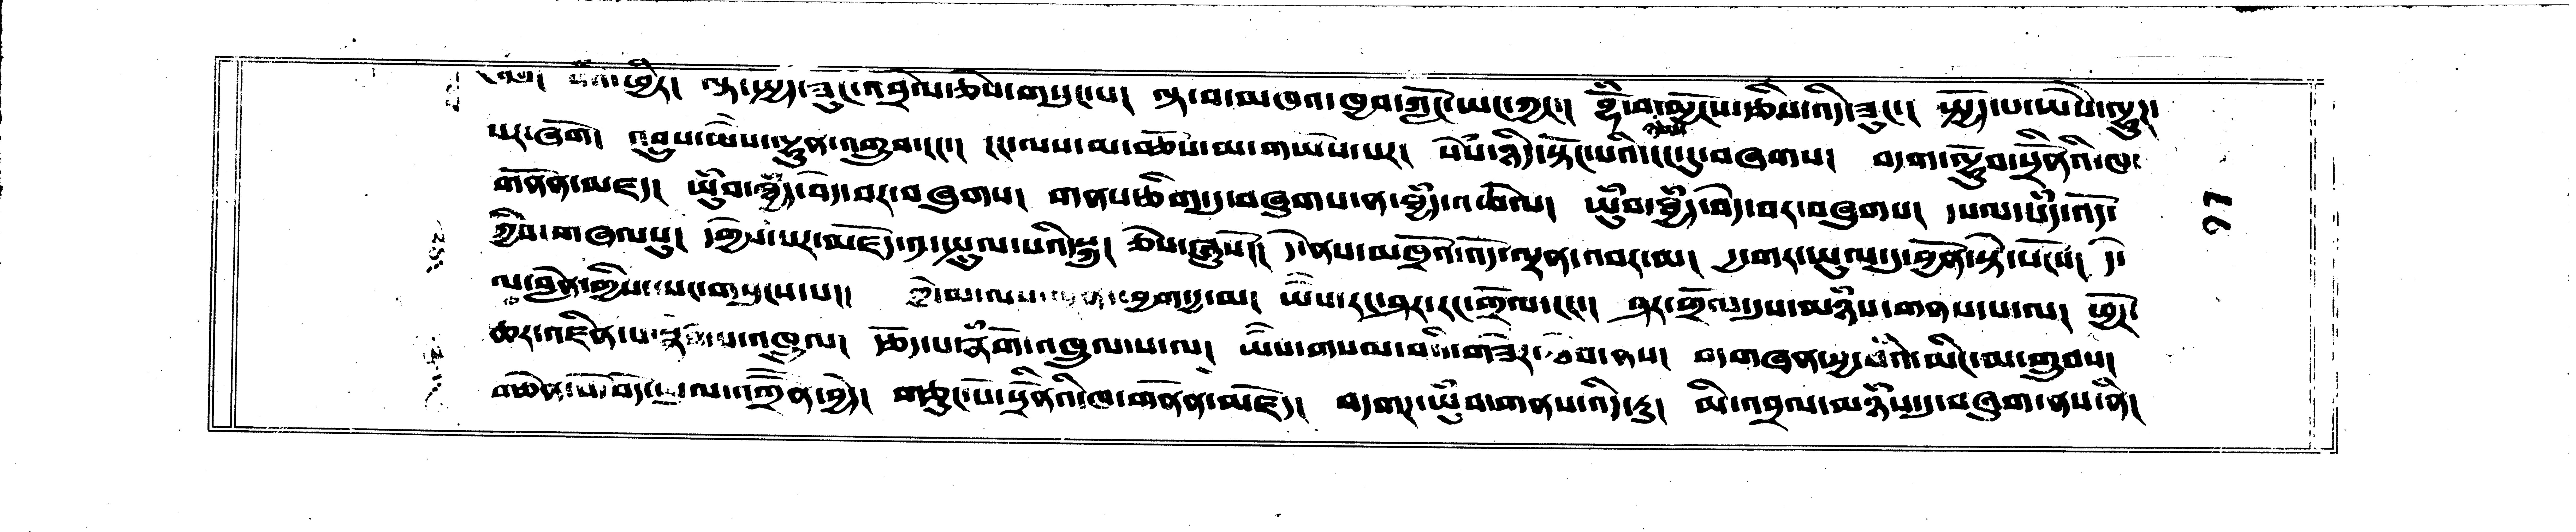པའི་ཕྱིར། ལྟ་སྤྱོད་ཟུང་འབྲེལ་ཅེས་གསུངས་པ། ལྟ་བ་མཁའ་ཁྱབ་ཀློང་ཡངས་ཀྱང་། སྒོམ་པ་ཉམས་མྱོང་རྩིས་འདི་ཟུང་། སྤྱོད་པ་ཡེ་ཤེས་ལྷུག་
པར་ཞོག འབྲས་བུ་ཡེ་ཤེས་ལྷུན་གྲུབ་ངང་། ངང་ལས་མ་བཅོས་མ་གཡོས་པར། སེམས་ཉིད་སྟོང་པའི་ངང་དུ་བཞག བདག་ལྷོ་ནུབ་སྲིན་པོའི་ཁ་
གནོན་མཛད། ཡབ་ཡུམ་ཐུགས་དམ་བདེ་བར་བཞུགས། གནས་གཅིག་ཏུ་བཞུགས་ན་ཐུགས་དམ་འཆོལ། ཡབ་ཡུམ་ཐུགས་དམ་བདེ་བར་བཞུགས། དཔལ་པད་མ་འོད་
ཀྱི་གཞལ་ཡས་སུ། དགྱེས་པར་མཛོད་ཅིག་སྤྲུལ་པའི་སྐུ། ཅེས་ཞུས་སོ། །དེ་ནས་མཁའ་འགྲོ་འོད་ལྡན་འབར་མ། རྒྱ་གར་ཡུལ་དུ་བྱོན་ཏེ་སོང་། དེ་
ལ་བླ་ཆེན་གྱི་ཡང་གསུངས་པ། ཀྱེ་མ་ལས་མཁན་ཕྱག་རྒྱ་མ། ཡེ་ཤེས་རང་ཤར་རང་གྲོལ་ངང་། ཤར་གྲོལ་དུས་མཉམ་གནས་པ་ལ། ཕྱོགས་
ཆར་འཛིན་པ་སྣ་ཚོགས་འཁྲུལ། རྩོད་པ་རྣམ་རྟོག་འཁྲུལ་པ་ལ། ཡེ་ཤེས་གསལ་བའི་གཟེར་ཐེབས་ནས། བདག་གཞན་བྱ་བའི་མིང་མ་གྲུབ། 
གཅེན་པོ་བོད་ཡུལ་འགྲོ་དོན་བྱེད། གཅུང་པོ་སྲིན་པོའི་ཁ་གནོན་མཛོད། བདག་ཅག་ཡབ་ཡུམ་གནས་འདི་རུ། མི་འབྲལ་མཉམ་དུ་བཞུགས་ནས་ནི།